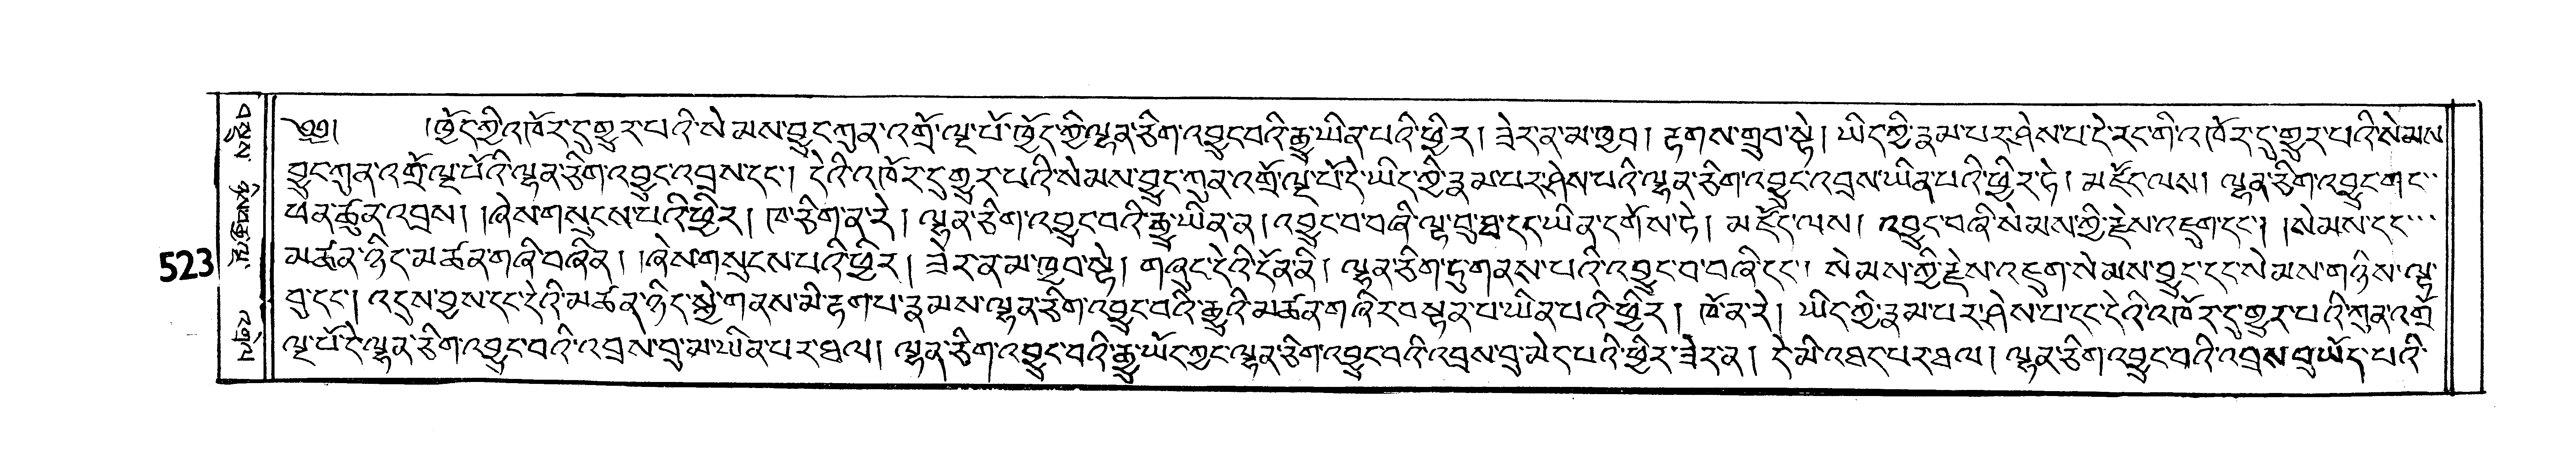༄༅། །ཁྱོད་ཀྱི་འཁོར་དུ་གྱུར་པའི་སེམས་བྱུང་ཀུན་འགྲོ་ལྔ་པོ་ཁྱོད་ཀྱི་ལྷན་ཅིག་འབྱུང་བའི་རྒྱུ་ཡིན་པའི་ཕྱིར། ཟེར་ན་མ་ཁྱབ། རྟགས་གྲུབ་སྟེ། ཡིད་ཀྱི་རྣམ་པར་ཤེས་པ་དེ་རང་གི་འཁོར་དུ་གྱུར་པའི་སེམས་
བྱུང་ཀུན་འགྲོ་ལྔ་པོའི་ལྷན་ཅིག་འབྱུང་འབྲས་དང་། དེའི་འཁོར་དུ་གྱུར་པའི་སེམས་བྱུང་ཀུན་འགྲོ་ལྔ་པོ་དེ་ཡིད་ཀྱི་རྣམ་པར་ཤེས་པའི་ལྷན་ཅིག་འབྱུང་འབྲས་ཡིན་པའི་ཕྱིར་ཏེ། མཛོད་ལས། ལྷན་ཅིག་འབྱུང་གང་
ཕན་ཚུན་འབྲས། །ཞེས་གསུངས་པའི་ཕྱིར། ཁ་ཅིག་ན་རེ། ལྷན་ཅིག་འབྱུང་བའི་རྒྱུ་ཡིན་ན། འབྱུང་བ་བཞི་ལྟ་བུ་ཐ་དད་ཡིན་དགོས་ཏེ། མཛོད་ལས། འབྱུང་བཞི་སེམས་ཀྱི་རྗེས་འཇུག་དང་། །སེམས་དང་
མཚན་ཉིད་མཚན་གཞི་བཞིན། །ཞེས་གསུངས་པའི་ཕྱིར། ཟེར་ན་མ་ཁྱབ་སྟེ། གཞུང་དེའི་དོན་ནི། ལྷན་ཅིག་ཏུ་གནས་པའི་འབྱུང་བ་བཞི་དང་། སེམས་ཀྱི་རྗེས་འཇུག་སེམས་བྱུང་དང་སེམས་གཉིས་ལྟ་
བུ་དང་། འདུས་བྱས་དང་དེའི་མཚན་ཉིད་སྐྱེ་གནས་མི་རྟག་པ་རྣམས་ལྷན་ཅིག་འབྱུང་བའི་རྒྱུའི་མཚན་གཞིར་བསྟན་པ་ཡིན་པའི་ཕྱིར། ཁོ་ན་རེ། ཡིད་ཀྱི་རྣམ་པར་ཤེས་པ་དང་དེའི་འཁོར་དུ་གྱུར་པའི་ཀུན་འགྲོ་
ལྔ་པོ་དེ་ལྷན་ཅིག་འབྱུང་བའི་འབྲས་བུ་མ་ཡིན་པར་ཐལ། ལྷན་ཅིག་འབྱུང་བའི་རྒྱུ་ཡོད་ཀྱང་ལྷན་ཅིག་འབྱུང་བའི་འབྲས་བུ་མེད་པའི་ཕྱིར་ཟེར་ན། དེ་མི་འཐད་པར་ཐལ། ལྷན་ཅིག་འབྱུང་བའི་འབྲས་བུ་ཡོད་པའི་